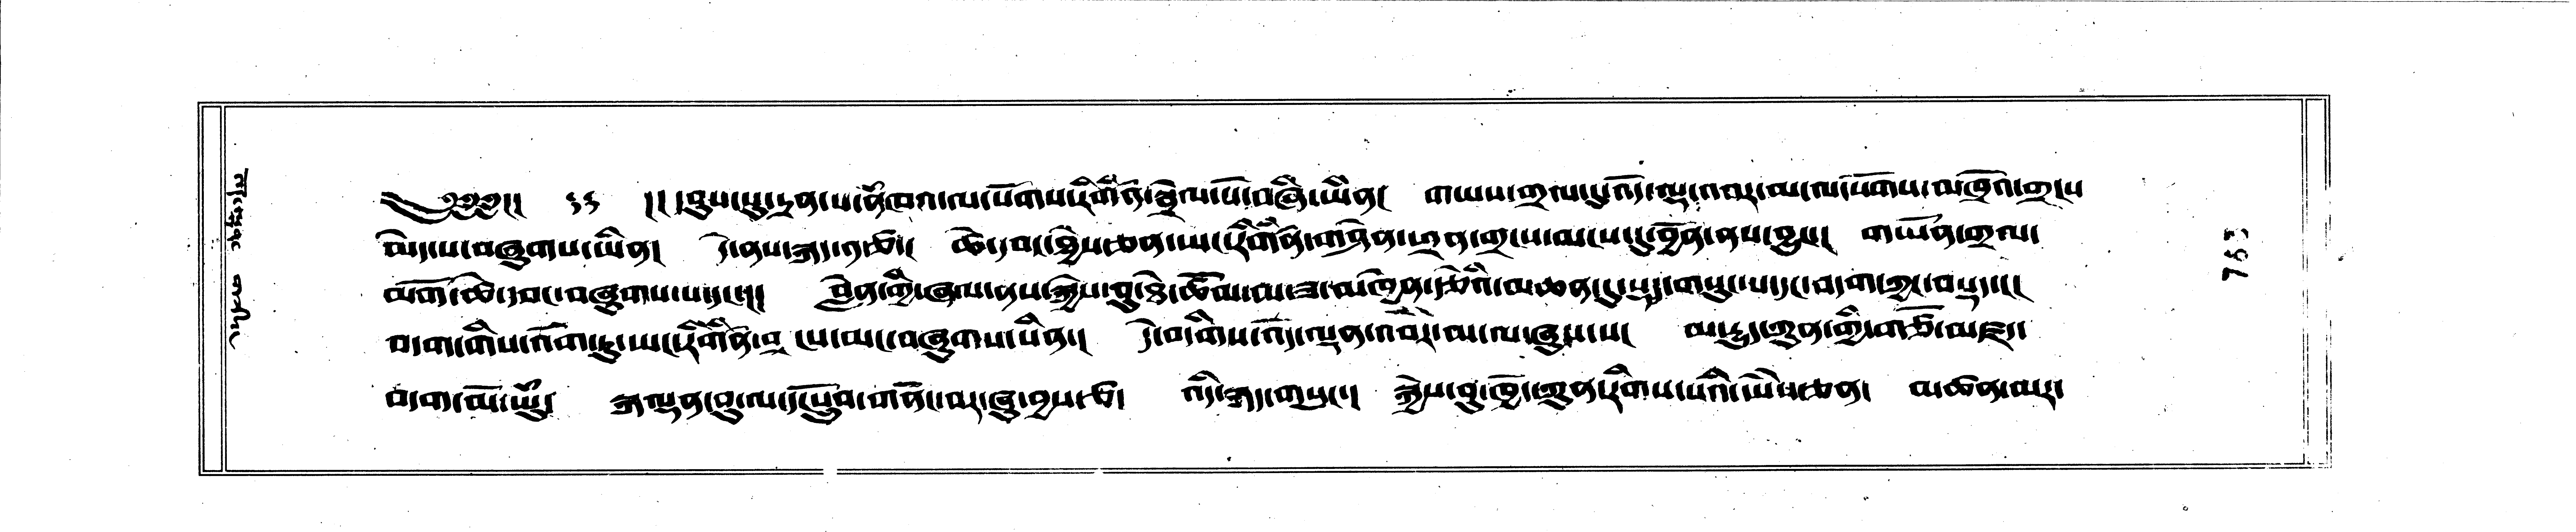དབུས་སུ་དྲན་པ་ནམ་མཁའ་ལ་སོགས་རིག་འཛིན་སྦྲེལ་པོ་བཞི་ཡིན། གཡས་གྲལ་དུ་འོད་ལྡན་འབར་མ་སོགས་མཁའ་འགྲོ་གྲངས་
མེད་པ་བཞུགས་ཡིན། དེ་ནས་སྐད་ཅིག་ཙ། ཚེ་དབང་ཐུགས་རྗེ་ཅན་ཡང་རིག་འཛིན་གཤེན་ཕྲན་གྲངས་མང་དུ་བྱོན་ནས་བྱུང་། གཡོན་གྲལ་
འགོ་ཚེ་དབང་བཞུགས་པ་དང་། བླ་ཆེན་གྱི་ཞལ་ནས་སྐྱེས་བུ་ཐེ་ཚོམ་མ་ཟ་མཁྱེན་བརྩེའི་མཆན་དུ་སྡོད་གསུངས་པ་དང་བདག་ཀྱང་བསྡད། 
བདག་གི་འོག་ཏུ་ཡང་རིག་འཛིན་གྲངས་མང་བཞུགས་སིན། དེ་༼ནས༽བདག་གིས་འོད་ལྡན་འབར་མ་ལ་ཞུས་པ། མ་རྒྱུད་ཀུན་གྱི་གཙོ་མཛད་
བདག་མོ་ཡུམ། །སྐལ་ལྡན་བུ་ལ་དངོས་གྲུབ་གནང་བར་ཞུ་བྱས་ཙ། །འདི་སྐད་གསུངས། སྐྱེས་བུ་ཁྱོད་ཀུན་རིག་པའི་ཡེ་ཤེས་ཅན། །མཚན་མར་